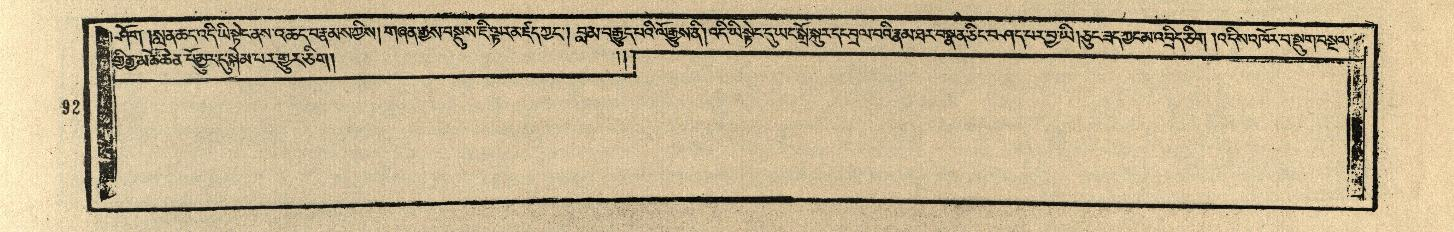ཤོག །སླན་ཆད་འདི་ཡི་སྟེང་ནས་འཆད་པ་རྣམས་ཀྱིས། གཞན་རྒྱས་བསྡུས་ཇི་ལྟར་མཛད་ཀྱང་། བླ་མ་བརྒྱུད་པའི་ལོ་རྒྱུས་ནི། འདི་ཡི་སྟེང་དུ་ཡང་སྒྲོ་སྐུར་དང་བྲལ་བའི་རྣམ་ཐར་བསྣན་ཅིང་བཤད་པར་བྱ་ཡི། ཅུང་ཟད་ཀྱང་མ་འབྲིད་ཅིག །འདིས་འཁོར་བ་སྡུག་བསྔལ་
གྱི་རྒྱ་མཚོ་ཆེན་པོ་མྱུར་དུ་སྐེམ་པར་གྱུར་ཅིག། །།